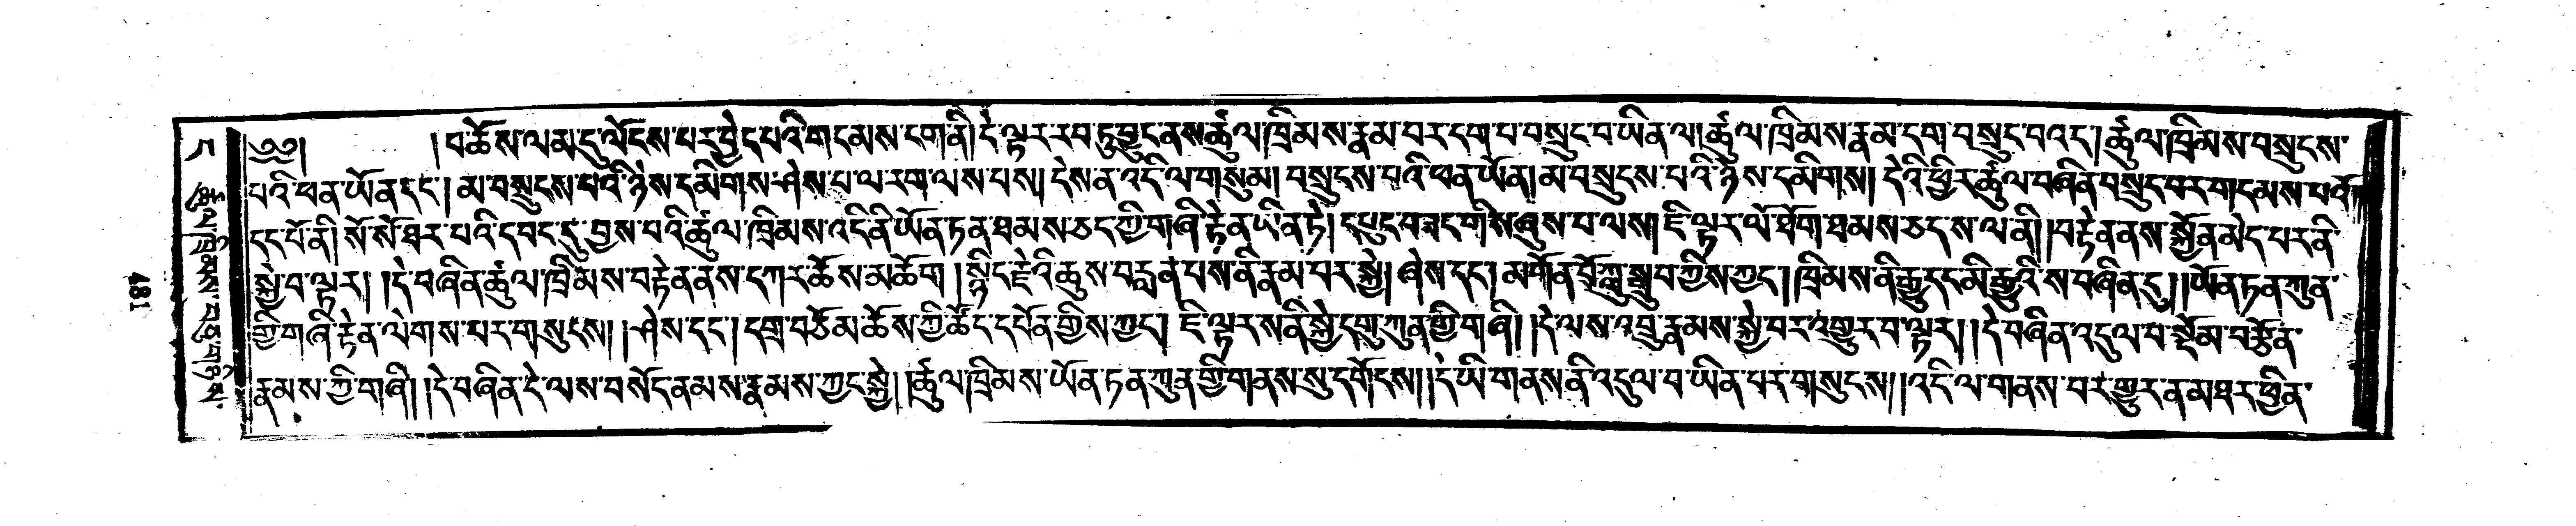༄༅། །པ་ཆོས་ལམ་དུ་ལོངས་པར་བྱེད་པའི་གདམས་ངག་ནི། དེ་ལྟར་རབ་ཏུ་བྱུང་ནས་ཚུལ་ཁྲིམས་རྣམ་པར་དག་པ་བསྲུང་བ་ཡིན་ལ། ཚུལ་ཁྲིམས་རྣམ་དག་བསྲུང་བའང་། ཚུལ་ཁྲིམས་བསྲུངས་
བའི་ཕན་ཡོན་དང་། མ་བསྲུངས་པའི་ཉེས་དམིགས་ཤེས་པ་ལ་རག་ལས་པས། དེས་ན་འདི་ལ་གསུམ། བསྲུངས་པའི་ཕན་ཡོན། མ་བསྲུངས་པའི་ཉེས་དམིགས། དེའི་ཕྱིར་ཚུལ་བཞིན་བསྲུང་བར་གདམས་པའོ། །
དང་པོ་ནི། སོ་སོ་ཐར་པའི་དབང་དུ་བྱས་པའི་ཚུལ་ཁྲིམས་འདི་ནི་ཡོན་ཏན་ཐམས་ཅད་ཀྱི་གཞི་རྟེན་ཡིན་ཏེ། དཔུང་བཟང་གིས་ཞུས་པ་ལས། ཇི་ལྟར་ལོ་ཐོག་ཐམས་ཅད་ས་ལ་ནི། །བརྟེན་ནས་སྐྱོན་མེད་པར་ནི་
སྐྱེ་བ་ལྟར། །དེ་བཞིན་ཚུལ་ཁྲིམས་བརྟེན་ནས་དཀར་ཆོས་མཆོག །སྙིང་རྗེའི་ཆུས་བརླན་པས་ནི་རྣམ་པར་སྐྱེ། ཞེས་དང་། མགོན་པོ་ཀླུ་སྒྲུབ་ཀྱིས་ཀྱང་། ཁྲིམས་ནི་རྒྱུ་དང་མི་རྒྱུའི་ས་བཞིན་དུ། །ཡོན་ཏན་ཀུན་
གྱི་གཞི་རྟེན་ལེགས་པར་གསུངས། །ཤེས་དང་། དགྲ་བཅོམ་ཆོས་ཀྱི་ཚོང་དཔོན་གྱིས་ཀྱང་། ཇི་ལྟར་ས་ནི་སྐྱེ་དགུ་ཀུན་གྱི་གཞི། །དེ་ལས་འབྲུ་རྣམས་སྐྱེ་བར་འགྱུར་བ་ལྟར། །དེ་བཞིན་འདུལ་བ་སྡོམ་བརྩོན་
རྣམས་ཀྱི་གཞི། །དེ་བཞིན་དེ་ལས་བསོད་ནམས་རྣམས་ཀྱང་སྐྱེ། །ཚུལ་ཁྲིམས་ཡོན་ཏན་ཀུན་གྱི་གནས་སུ་དགོངས། །དེ་ཡི་གནས་ནི་འདུལ་བ་ཡིན་པར་གསུངས། །འདི་ལ་གནས་པར་གྱུར་ན་མཐར་ཕྱིན་